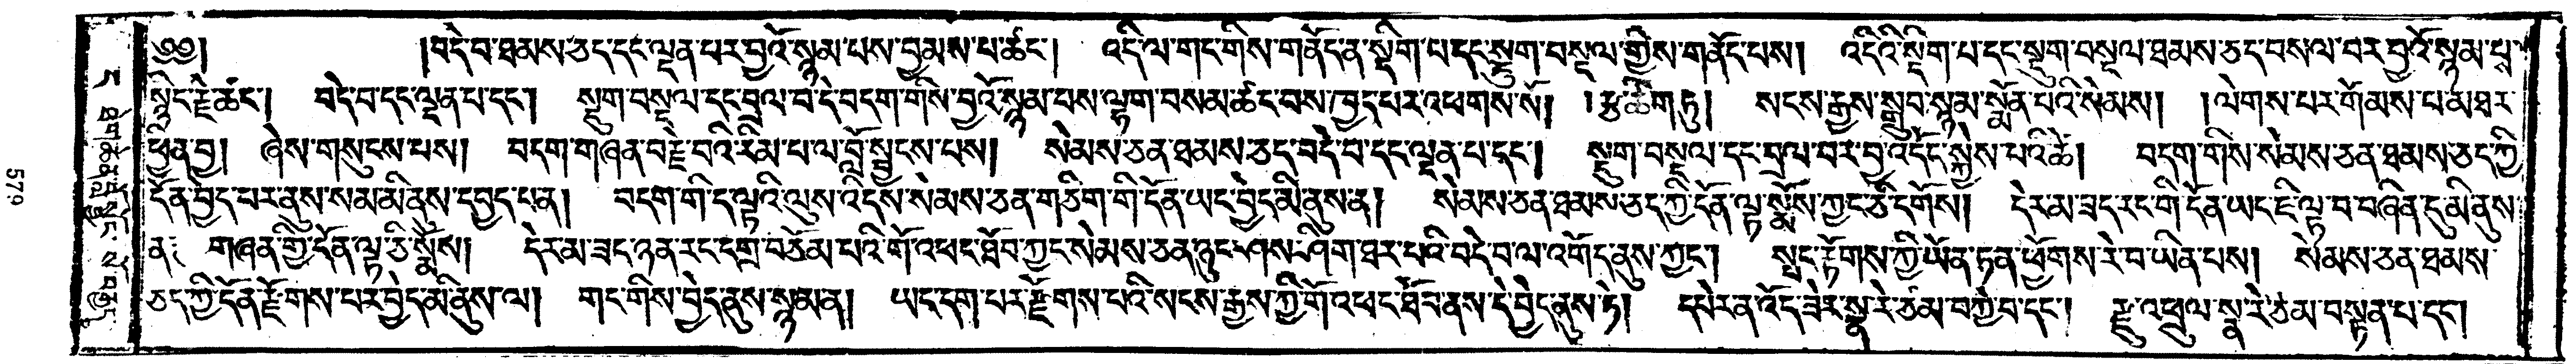༄༅། །བདེ་བ་ཐམས་ཅད་དང་ལྡན་པར་བྱའོ་སྙམ་པས་བྱམས་པ་ཚང་། འདི་ལ་གང་གིས་གནོད་ན་སྡིག་པ་དང་སྡུག་བསྔལ་གྱིས་གནོད་པས། འདིའི་སྡིག་པ་དང་སྡུག་བསྔལ་ཐམས་ཅད་བསལ་བར་བྱའོ་སྙམ་པས་
སྙིང་རྗེ་ཚང་། བདེ་བ་དང་ལྡན་པ་དང་། སྡུག་བསྔལ་དང་བྲལ་བ་དེ་བདག་གིས་བྱའོ་སྙམ་པས་ལྷག་བསམ་ཚང་བས་ཁྱད་པར་འཕགས་སོ། །རྩ་ཚིག་ཏུ། སངས་རྒྱས་སྒྲུབ་སྙམ་སྨོན་པའི་སེམས། །ལེགས་པར་གོམས་པ་མཐར་
ཕྱིན་བྱ། ཞེས་གསུངས་པས། བདག་གཞན་བརྗེ་བའི་རིམ་པ་ལ་བློ་སྦྱངས་པས། སེམས་ཅན་ཐམས་ཅད་བདེ་བ་དང་ལྡན་པ་དང་། སྡུག་བསྔལ་དང་བྲལ་བར་བྱ་འདོད་སྐྱེས་པའི་ཚེ། བདག་གིས་སེམས་ཅན་ཐམས་ཅད་ཀྱི་
དོན་བྱེད་པར་ནུས་སམ་མི་ནུས་དབྱད་པ་ན། བདག་གི་ད་ལྟའི་ལུས་འདིས་སེམས་ཅན་གཅིག་གི་དོན་ཡང་བྱེད་མི་ནུས་ན། སེམས་ཅན་ཐམས་ཅད་ཀྱི་དོན་ལྟ་སྨོས་ཀྱང་ཅི་དགོས། དེར་མ་ཟད་རང་གི་དོན་ཡང་ཇི་ལྟ་བ་བཞིན་དུ་མི་ནུས་
ན༑ གཞན་གྱི་དོན་ལྟ་ཅི་སྨོས། དེར་མ་ཟད་ཉན་རང་དགྲ་བཅོམ་པའི་གོ་འཕང་ཐོབ་ཀྱང་སེམས་ཅན་ཉུང་ཤས་ཤིག་ཐར་པའི་བདེ་བ་ལ་འགོད་ནུས་ཀྱང་། སྤང་རྟོགས་ཀྱི་ཡོན་ཏན་ཕྱོགས་རེ་བ་ཡིན་པས། སེམས་ཅན་ཐམས་
ཅད་ཀྱི་དོན་རྫོགས་པར་བྱེད་མི་ནུས་ལ། གང་གིས་བྱེད་ནུས་སྙམ་ན། ཡང་དག་པར་རྫོགས་པའི་སངས་རྒྱས་ཀྱི་གོ་འཕང་ཐོབ་ནས་དེ་བྱེད་ནུས་ཏེ། དཔེར་ན་འོད་ཟེར་སྣ་རེ་ཙམ་བཀྱེ་བ་དང་། རྫུ་འཕྲུལ་སྣ་རེ་ཙམ་བསྟན་པ་དང་།